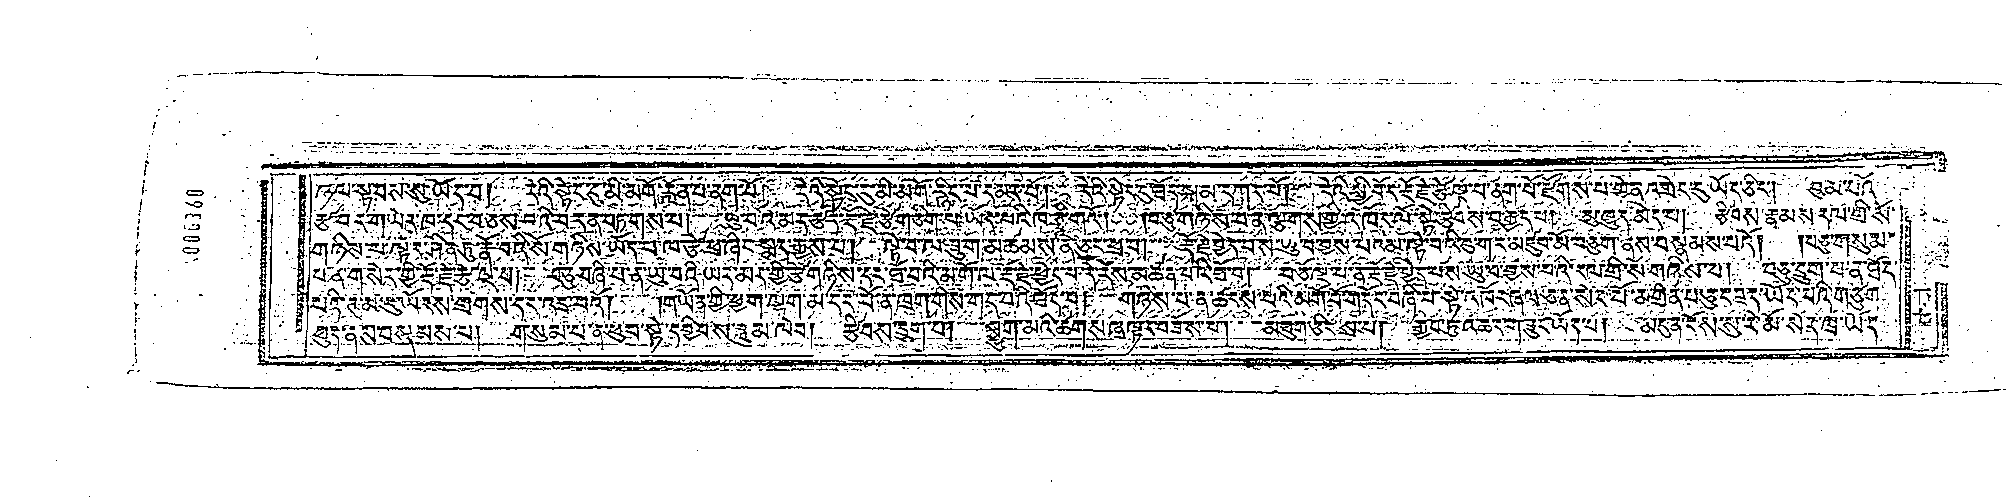ཉལ་སྟབས་སུ་ཡོད་པ། དེའི་སྟེང་དུ་མི་མགོ་རློན་པ་ནག་པོ། དེའི་སྟེང་དུ་མི་མགོ་རྙིང་པ་དམར་པོ། དེའི་སྟེང་དུ་ཐོད་སྐམ་དཀར་པོ། དེའི་སྤྱི་བོར་རྡོ་རྗེ་རྩེ་ལྔ་པ་ནག་པོ་རྫོགས་པ་གྱེན་འགྲེང་དུ་ཡོད་ཅིང་། བུམ་པའོ་
རྩ་བར་གཡེར་ཁ་དང་བཅས་བའི་བ་དན་བཏགས་པ། ཡུ་བའི་མར་རྩར་རྡོ་རྗེ་རྩེ་གཅིག་པ་ཡོད་པའི་ཁ་ཊྭཱཾ་གའོ། །བཅུ་གཉིས་བ་ན་ལྕགས་གྱི་འཁོར་ལོ་སྟེ་རྩིབས་བརྒྱད་པ། མུ་ཁྱུད་མེད་པ། རྩིབས་རྣམས་རལ་གྲི་སོ་
གཉིས་པ་ལྟར་ཤིན་ཏུ་རྣོ་བའི་སོ་གཉིས་ཡོད་པ་ལ་རྩེ་ཕྲ་ཞིང་སྨད་རྒྱས་པ། ལྟེ་བ་ལ་ཟུག་མཚམས་ན་ཅུང་ཕྲ་བ། རྡོ་རྗེ་བྱེད་པས་ཡུ་བ་བྱས་པ་འམ་ལྟེ་བའི་བུ་གང་མཛུབ་མོ་བཅུག་ནས་བསྣམས་པའོ། །བཅུ་གསུམ་
པ་ན་གསེར་གྱི་རྡོ་རྗེ་རྩེ་ལྔ་པ། བཅུ་བཞི་པ་ན་ཡུ་བའི་ཡར་མར་གྱི་རྩེ་གཉིས་དང་ཐོ་བའི་མགོ་ལ་རྡོ་རྗེ་ཕྱེད་པ་རེ་རེས་མཚན་པའི་ཐོ་བ། བཅོ་ལྔ་པ་ན་རྡོ་རྗེ་བྱེད་པས་ཡུ་བ་བྱས་པའི་རལ་གྲི་སོ་གཉིས་པ། བཅུ་དྲུག་པ་ན་ཐོད་
པའི་ཊ་མ་རུ་ཡོངས་གྲགས་དང་འདྲ་བའོ། །གཡོན་གྱི་ཕྱག་ལྷག་མ་དང་པོ་ན་ཁྲག་གིས་གད་བའི་ཐོད་བ། གཉིས་པ་ན་ཚངས་པའི་མགོ་བོ་གདོང་བཞི་པ་སྟེ་འཁོར་ཞལ་ཅན་སེར་པོ་མགྲིན་པ་ཅུང་ཟད་ཡོང་པའི་གཙུག་
ཕུད་ནས་བསྣམས་པ། གསུམ་པ་ན་ཕུབ་སྟེ་དབྱིབས་ཟླུམ་ལེབ། རྩིབས་དྲུག་པ། སྨྱུག་མའི་ཚགས་ཞྭ་ལྟར་བཟོས་པ། མཐུག་ཅིང་སྲ་པ། རྒྱབ་ཏུ་འཆང་གཟུང་ཡོད་པ། མདུན་ངོས་སུ་རེ་མོ་སེར་ཁྲ་ཡོད་